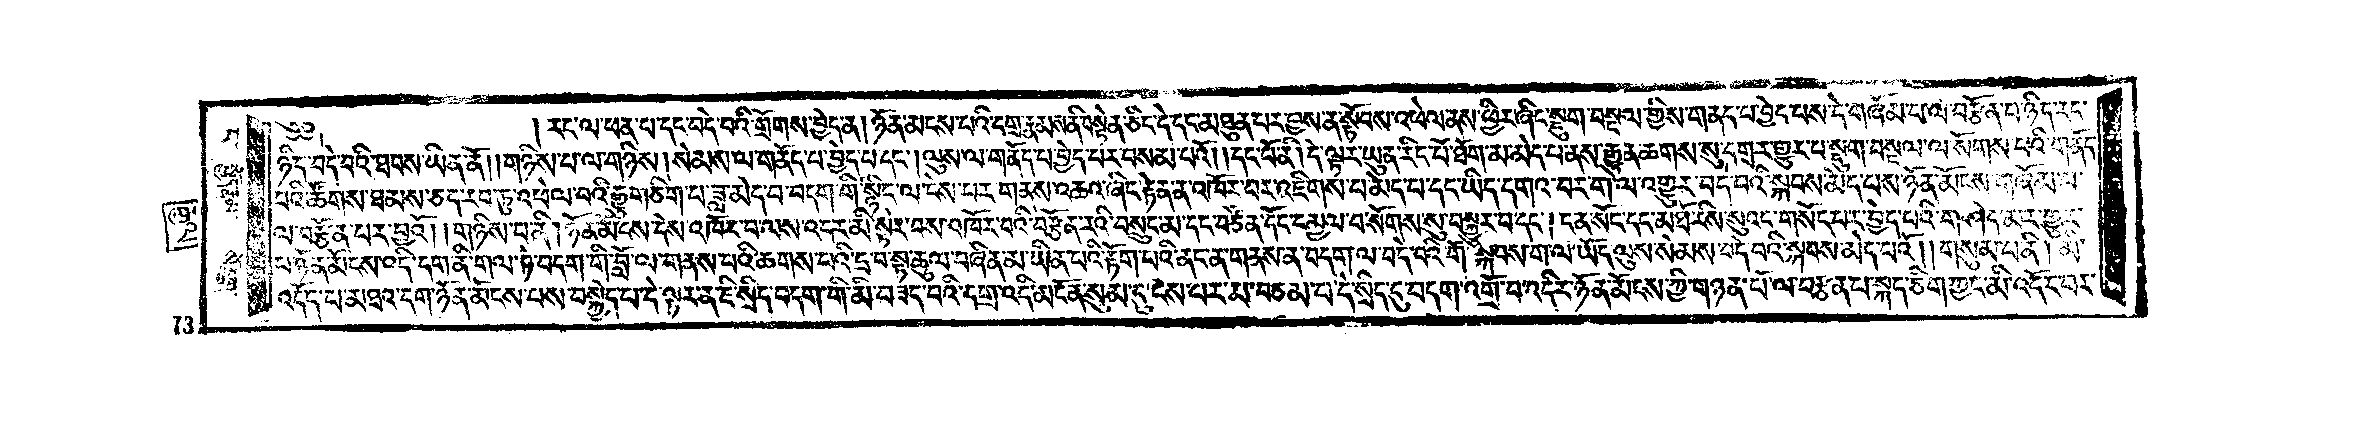༄༅། །རང་ལ་ཕན་པ་དང་བདེ་བའི་གྲོགས་བྱེད་ན། ཉོན་མོངས་པའི་དགྲ་རྣམས་ནི་བསྟེན་ཅིང་དེ་དང་མཐུན་པར་བྱས་ན་སྟོབས་འཕེལ་ནས་ཕྱིར་ཞིང་སྡུག་བསྔལ་གྱིས་གནད་པ་བྱེད་པས་དེ་གཞོམ་པ་ལ་བརྩོན་པ་ཉིད་རང་
ཉིད་བདེ་བའི་ཐབས་ཡིན་ནོ། །གཉིས་པ་ལ་གཉིས། སེམས་ལ་གནོད་པ་བྱེད་པ་དང་། ལུས་ལ་གནོད་པ་བྱེད་པར་བསམ་པའོ། །དང་པོ་ནི། དེ་ལྟར་ཡུན་རིང་པོ་ཐོག་མ་མེད་པ་ནས་རྒྱུན་ཆགས་སུ་དགྲར་གྱུར་པ་སྡུག་བསྔལ་ལ་སོགས་པའི་གནོད་
པའི་ཚོགས་ཐམས་ཅད་རབ་ཏུ་འཕེལ་བའི་རྒྱུ་གཅིག་པ་ཟླ་མེད་པ་བདག་གི་སྙིང་པ་ལ་ངེས་པར་གནས་འཆའ་ཞིང་རྟེན་ན་འཁོར་བར་འཇིགས་པ་མེ་དཔ་དང་ཡིད་དགའ་བར་གོ་ལ་འགྱུར་བདེ་བའི་སྐབས་མེད་པས་ཉོན་མོངས་གཞོམ་པ་
ལ་བརྩོན་པར་བྱའོ། །གཉིས་པ་ནི། ཉོན་མོངས་དེས་འཁོར་བ་ལས་འདར་མི་སྟེར་བས་འཁོར་བའི་བརྩོན་རའི་བསྲུང་མ་དང་བརྩོན་དོད་དམྱལ་བ་སོགས་སུ་བསྐྱུར་བ་དང་། ངན་སོང་དང་མཐོ་རིས་སུའང་གསོད་པར་བྱེད་པའི་གཤེད་མར་གྱུར་
པ་ཉོན་མོངས་འདི་དག་ནི་གལ་ཏེ་བདག་གི་བློ་ལ་གནས་པའི་ཆགས་པའི་དྲ་བ་སྟེ་ཚུལ་བཞིན་མ་ཡིན་པའི་རྟོགས་པའི་ནང་ན་གནས་ན་བདག་ལ་བདེ་བའི་གོ་སྐབས་ག་ལ་ཡོད་ལུས་སེམས་བདེ་བའི་སྐབས་མེད་པའོ། །གསུམ་པ་ནི། མི་
འདོད་པ་མཐའ་དག་ཉོན་མོངས་པས་བསྐྱེད་པ་དེ་ལྟར་ན་ཇི་སྲིད་བདག་གི་མི་བཟད་པའི་དགྲ་འདི་མངོན་སུམ་དུ་ངེས་པར་མ་བཅམ་པ་དེ་སྲིད་དུ་བདག་འགྲོ་བ་འདིར་ཉོན་མོངས་ཀྱི་གཉན་པོ་ལ་བརྩན་པ་སྐད་ཅིག་ཀྱང་མི་འདོར་བར་